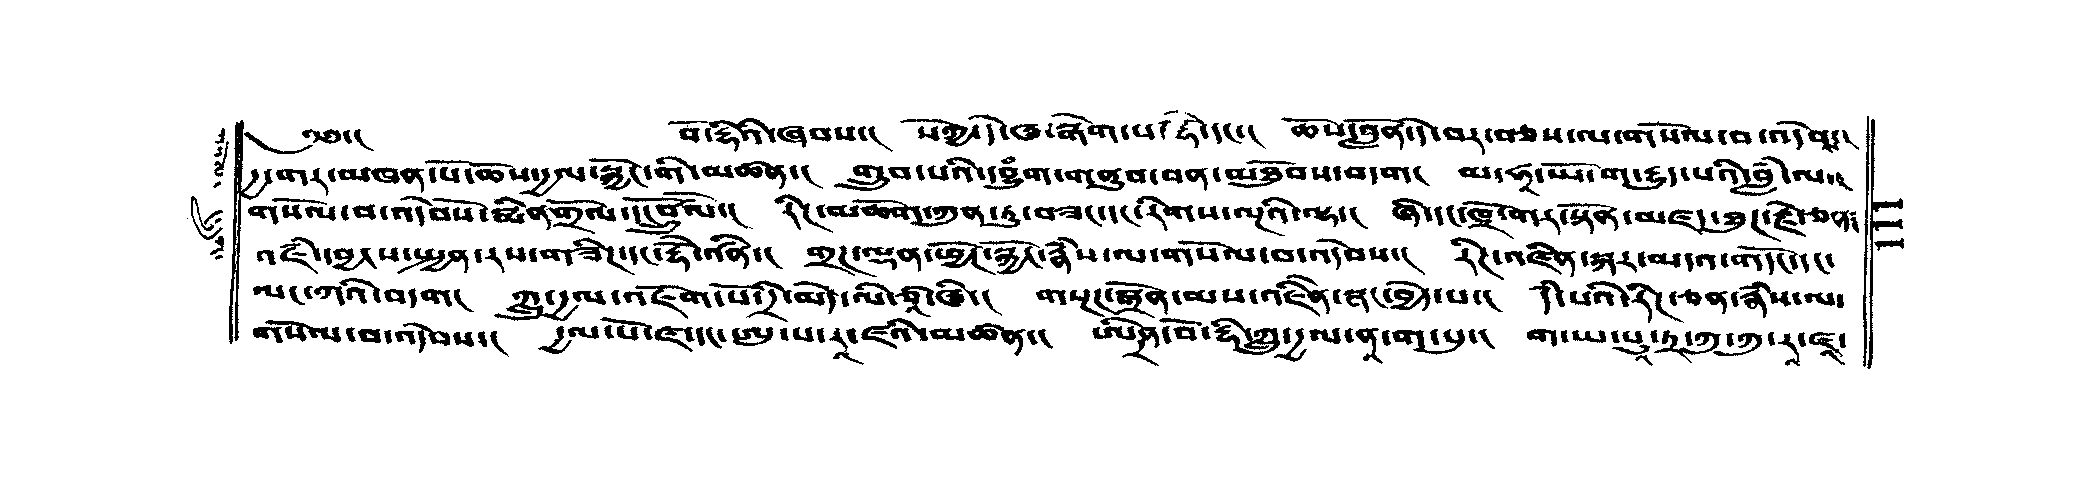བོ་དྷིའི་ཞབས། སོ་ཀྱ་དེ་ཝ་སྒེག་པ་རྡོ་རྗེ་དང་། །ཆོས་བློན་དཱེ་བར་བཅས་ལ་གསོལ་བ་འདེབས། །
རྒྱ་གར་མཁན་པོ་ཆོས་རྒྱལ་སྐྱོང་གི་མཚན། །གྲུབ་པའི་དབང་ཕྱུག་གནུབས་བན་མཐུ་སྟོབས་བདག།མ་ཧཱ་ཡོ་ག་རྒྱུད་པའི་བླ་མ་ལ། །
གསོལ་བ་འདེབས་སོ་སྨིན་གྲོལ་དངོས་གྲུབ་སྩོལ། །རིགས་མཆོག་ཀུན་ཏུ་བཟང་དང་རིགས་ལྔའི་ལྷ། །ཞི་དང་ཁྲོ་གར་སྟོན་མཛད་ཐུགས་རྗེ་ཅན། །
འཇམ་དབྱངས་སྤྱན་རས་གཟིགས་དང་རྡོ་རྗེ་འཛིན། །གྲགས་ལྡན་ཕྱོགས་སྐྱོང་རྣམས་ལ་གསོལ་བ་འདེབས། །རིག་འཛིན་སྐར་མདའ་གདོང་དང་
ལངྐའི་བདག །ཀླུ་རྒྱལ་འཇོག་པོ་དྲི་མེད་ལི་ཙཱ་བི། །གསང་སྔགས་སྒྲོན་མས་འཇིག་རྟེན་སྣང་བྱེད་པ། །དམ་པའི་རིགས་ཅན་རྣམས་ལ་
གསོལ་བ་འདེབས། །རྒྱལ་པོ་ཛ་དང་ཨུ་པ་རཱ་ཛའི་མཚན། །ཨིནྡྲ་བོ་དྷི་ཀླུ་རྒྱལ་ནཱ་ག་པུ། །ག་ཡ་པཱུ་ཏྲ་ཀུ་ཀུ་རཱ་ཛཱ་